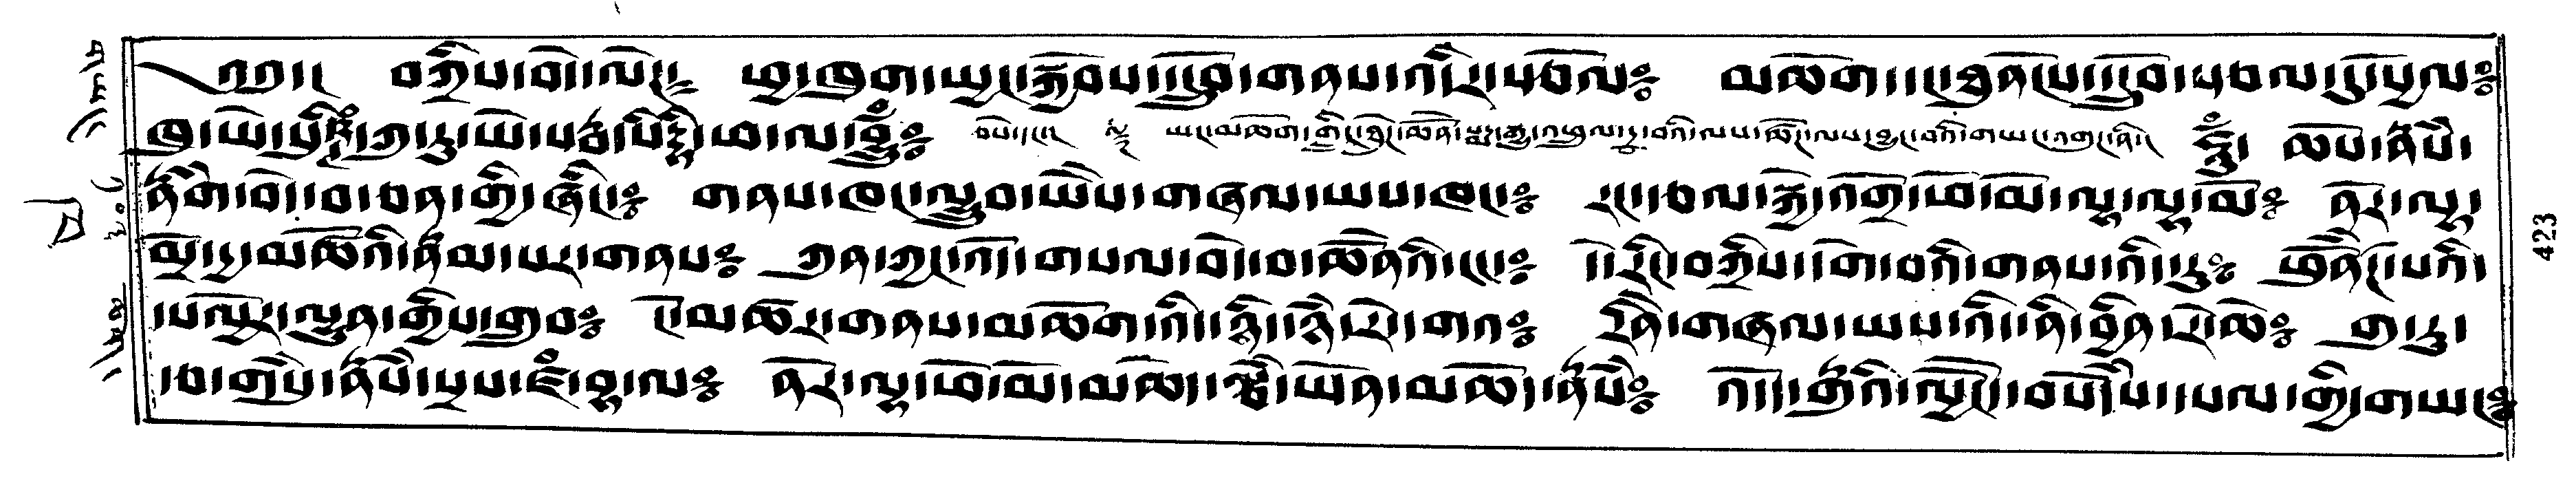བཀྲ་ཤིས་བདེ་ལེགས༴ ཕྱྭ་ཁུག་གཡང་སྐྱོབས་དངོས་གྲུབ་གནས་འདིར་སྩོལ༔ མཆོག་དང་ཐུན་མོང་དངོས་གྲུབ་སྩལ་དུ་གསོལ༔ ]
ཁུ་ཡེ་པུཥྚི་ཀུ་རུ་ཡེ་སརྦ་སིདྡྷི་ཕ་ལ་བྷྲུྃ༔ ཅེས་དང་། ༈ ཡང་མཆོག་གླིང་ཐུགས་རྗེ་ཆེན་པོ་པདྨ་སྒྱུ་འཕྲུལ་དྲྭབའི་ལས་ཚོགས་ལས་བྱུང་བའི་གཡང་འགུགས་ནི། ཧཱུྃ༔ ཆོས་རྣམས་
རྣམ་དག་བདེ་བ་ཅན་གྱི་ཞིང༔ གནས་ཁང་ལྷུན་གྲུབ་ཡེ་ཤེས་གཞལ་ཡས་ཁང༔ རང་རྩལ་སྐྱེ་འགྲོ་ཕོ་མོ་ལྷ་ལྷ་མོ༔ ནོར་ལྷ་
མཁའ་འགྲོ་རྒྱ་མཚོའི་རྣམ་པར་གནས༔ ཀུན་ཀྱང་འོད་གསལ་བདེ་བ་ཆེན་པོའི་ངང༔ དེ་རིང་བཀྲ་ཤིས་དགེ་བའི་གནས་འདི་རུ༔ ཕུན་ཚོགས་པའི་
དཔལ་འབྱོར་ལྷུན་གྱིས་གྲུབ༔ ངོ་མཚར་གནས་མཆོག་འདི་ཉིད་ཉམས་རེ་དགའ༔ རིན་ཆེན་གཞལ་ཡས་འདི་ནི་བྱིན་རེ་ཆེ༔ གུ་རུ་
རྩ་གསུམ་རྣམ་སྲས་ཛཾ་བྷ་ལ༔ ནོར་ལྷ་ཕོ་མོ་མཆེད་ལྕམ་ཡོན་མཆོད་རྣམས༔ འདོད་རྒུའི་ལོངས་སྤྱོད་བསོད་ནམས་དཔལ་གྱི་གཡང༔